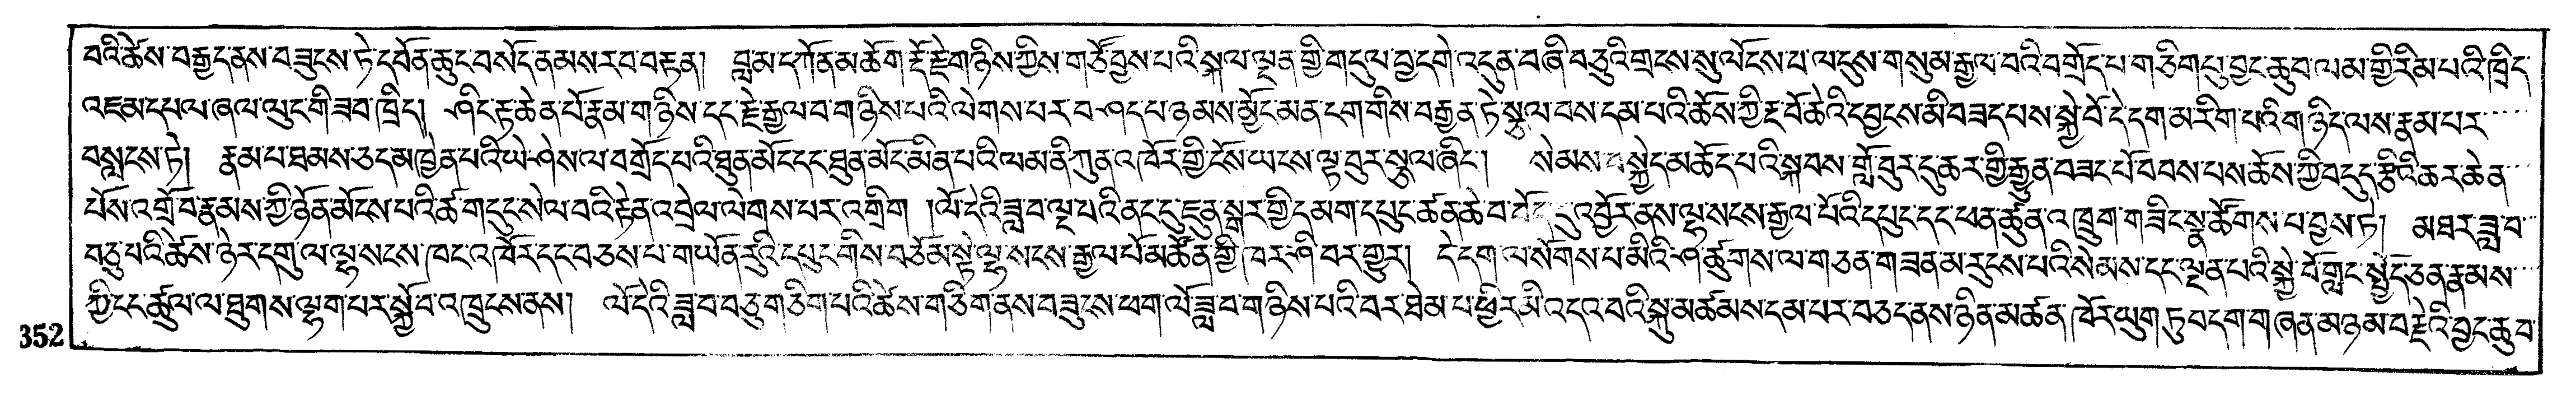བའི་ཚེས་བརྒྱད་ནས་བཟུངས་ཏེ་དབོན་ཆུང་བསོད་ནམས་རབ་བརྟན། བླ་མ་དཀོན་མཆོག་རྡོ་རྗེ་གཉིས་ཀྱིས་གཙོ་བྱས་པའི་སྐལ་ལྡན་གྱི་གདུལ་བྱ་དགེ་འདུན་བཞི་བཅུའི་གྲངས་སུ་ལོངས་པ་ལ་དུས་གསུམ་རྒྱལ་པའི་བགྲོད་པ་གཅིག་པུ་བྱང་ཆུབ་ལམ་གྱི་རིམ་པའི་ཁྲིད་
འཇམ་དཔལ་ཞལ་ལུང་གི་ཟབ་ཁྲིད། ཤིང་རྟ་ཆེན་པོ་རྣམ་གཉིས་དང་རྗེ་རྒྱལ་བ་གཉིས་པའི་ལེགས་པར་བཤད་པ་ཉམས་མྱོང་མན་ངག་གིས་བརྒྱན་ཏེ་སྩལ་བས་དམ་པའི་ཆོས་ཀྱི་རྔ་བོ་ཆེའི་དབྱངས་མི་བཟད་པས་སྐྱེ་བོ་དེ་དག་མ་རིག་པའི་གཉིད་ལས་རྣམ་པར་
བསླངས་ཏེ། རྣམ་པ་ཐམས་ཅད་མཁྱེན་པའི་ཡེ་ཤེས་ལ་བགྲོད་པའི་ཐུན་མོང་དང་ཐུན་མོང་མིན་པའི་ལམ་ནི་ཀུན་འཁོར་གྱི་ངོས་ཡངས་ལྟ་བུར་སྩལ་ཞིང་། སེམས་བསྐྱེད་མཆོད་པའི་སྐབས་གློ་བུར་དུ་ཆར་གྱི་རྒྱུན་བཟང་པོ་བབས་པས་ཆོས་ཀྱི་བདུད་རྩིའི་ཆར་ཆེན་
པོས་འགྲོ་བ་རྣམས་ཀྱི་ཉོན་མོངས་པའི་ཚ་གདུང་སེལ་བའི་རྟེན་འབྲེལ་ལེགས་པར་འགྲིག །ལོ་དེའི་ཟླ་བ་ལྔ་པའི་ནང་དུ་ཇུན་སྒར་གྱི་དམག་དཔུང་ཚན་ཆེ་བ་བོད་དུ་འབྱོར་ནས་ལྷ་སངས་རྒྱལ་པོའི་དཔུང་དང་ཕན་ཚུན་འཁྲུག་གཟིང་སྣ་ཚོགས་པ་བྱས་ཏེ། མཐར་ཟླ་བ་
བཅུ་པའི་ཚེས་ཉེར་དགུ་ལ་ལྷ་སངས་ཁང་འཁོར་དང་བཅས་པ་གཡོན་རུའི་དབུང་གིས་བཅོམ་སྟེ་ལྷ་སངས་རྒྱལ་པོ་མཚོན་གྱི་ཁར་ཤི་བར་གྱུར། དེ་དག་ལ་སོགས་པ་མིའི་ཤ་ཚུགས་ལ་གཅན་གཟན་མ་རུངས་པའི་སེམས་དང་ལྡན་པའི་སྐྱེ་བོ་གླང་སྤྱོད་ཅན་རྣམས་
ཀྱི་ངང་ཚུལ་ལ་ཐུགས་ལྷག་པར་སྐྱོ་བ་འཁྲུངས་ནས། ལོ་དེའི་ཟླ་བ་བཅུ་གཅིག་པའི་ཚེས་གཅིག་ནས་བཟུངས་ཕག་ལོ་ཟླ་བ་གཉིས་པའི་བར་ཐེམ་པ་ཕྱིར་མི་འདའ་བའི་སྐུ་མཚམས་དམ་པར་བཅད་ནས་ཉིན་མཚན་ཁོར་ཡུག་ཏུ་བདག་གཞན་མཉམ་བ་རྗེའི་བྱང་ཆུབ་